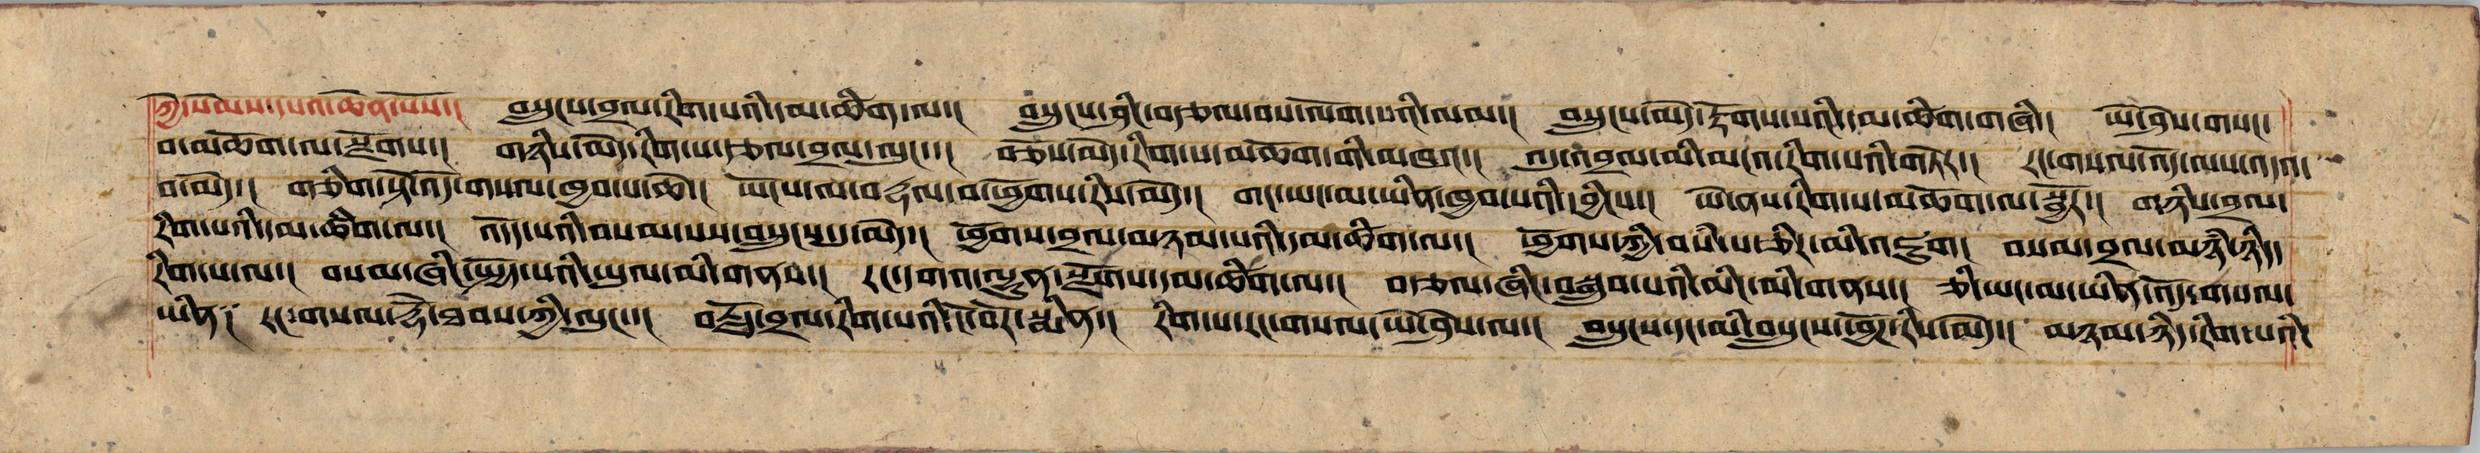ཀྱེ་སེམས་དཔའ་ཆེན་པོས་། བསྲུངས་བྲལ་རིག་པའི་དམ་ཚིག་ལ་། བསྲུངས་ཤིང་བརྩལ་བས་ལོག་པའི་ལམ་། བསྲུངས་མེད་རྟོགས་པའི་དམ་ཚིག་གཞི་། ཡེ་ཤེས་གསང་
བ་མཆོག་ལ་སྫོགས་། གཉིས་མེད་རིག་པ་རྩལ་བྲལ་ལུང་་། བཅོས་མེད་རིག་པ་མཆོག་གི་མཁའ་། འདུ་འབྲལ་མི་མངའ་རིག་པའི་གཏེར་། རང་གསལ་འོད་ལས་འདའ་
བ་མེད་། གཅིག་སྟེ་འོད་གསལ་ཁྱབ་པ་ཆེ་། ཡོངས་ལ་བརྡལ་བ་ཕྱོགས་རིས་མེད་། གང་ཡང་མ་ཡིན་ཁྱབ་པའི་དབྱིངས་། ཡེ་ནས་རིག་པ་མཆོག་ལ་སྦྱོར་། གཉིས་བྲལ་
རིག་པའི་དམ་ཚིག་ལ་། འདོད་པའི་བསམ་པས་བསྲུངས་དུ་མེད་། ཕྱོགས་བྲལ་མཉམ་པའི་དམ་ཚིག་ལ་། ཕྱཽགས་ཀྱི་བསཾ་པ་ཅིར་མི་འཇུག། བསམ་བྲལ་མཉཾ་ཉིད་
རིག་པ་ལ་། བསམ་ཞིང་སྤྱོད་པའི་ཡུལ་མི་གནས་། རང་དགའ་ལྷུན་སྫོགས་དམ་ཚིག་ལ་། བརྩལ་ཞིང་བསྒྲུབ་པའི་མིང་མི་གནས་། ཅི་ཡང་མ་ཡིན་འོད་གསལ་
ཡིན༑ རང་གསལ་རྡོེ་ཐབས་ཀྱི་ལུང་་། བརྗོད་བྲལ་རིག་པའི་ངོ་བོར་སྨིན་། རིག་པ་རང་གསལ་ཡེ་ཤེས་ལ་། བསྲུངས་དང་མི་བསྲུངས་ཕྱོཌ་རིས་མེད་། མཉམ་ཉིད་རིག་པའི་